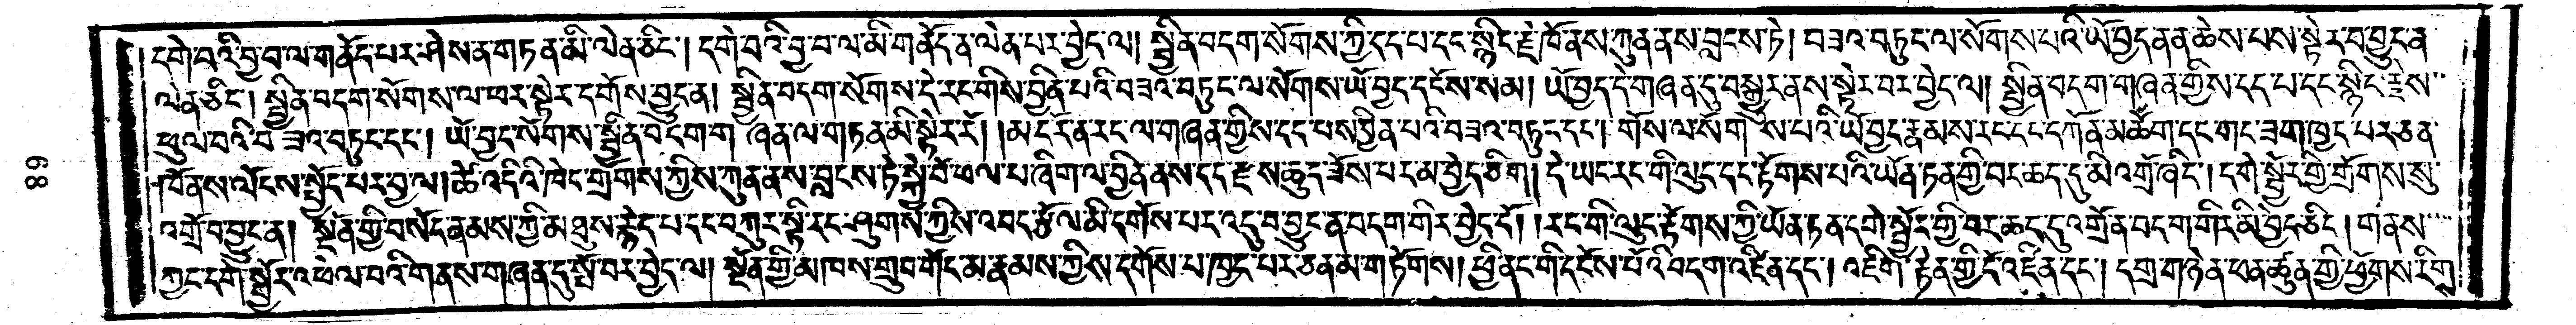དགེ་བའི་བྱ་བ་ལ་གནོད་པར་ཤེས་ན་གཏན་མི་ལེན་ཅིང་། དགེ་བའི་བྱ་བ་ལ་མི་གནོད་ན་ལེན་པར་བྱེད་ལ། སྦྱིན་བདག་སོགས་ཀྱི་དད་པ་དང་སྙིང་རྗེ་ཁོ་ནས་ཀུན་ནས་བླངས་ཏེ། བཟའ་བཏུང་ལ་སོགས་པའི་ཡོ་བྱད་ནན་ཆེས་པས་སྟེར་བ་བྱུང་ན་
ལེན་ཅིང་། སྤྱིན་བདག་སོགས་ལ་ཕར་སྟེར་དགོས་བྱུང་ན། སྦྱིན་བདག་སོགས་དེ་རང་གིས་བྱིན་པའི་བཟའ་བཏུང་ལ་སོགས་ཡོ་བྱད་དངོས་སམ། ཡོ་བྱད་དེ་གཞན་དུ་བསྒྱུར་ནས་སྟེར་བར་བྱེད་ལ། སྤྱིན་བདག་གཞན་གྱིས་དད་པ་དང་སྙིང་རྗེས་
ཕུལ་བའི་བཟའ་བཏུང་དང་། ཡོ་བྱང་སོགས་སྦྱིན་བདག་གཞན་ལ་གཏན་མི་སྟེར་རོ། །མདོར་ན་རང་ལ་གཞན་གྱིས་དད་པས་བྱིན་པའི་བཟའ་བཏུང་དང་། གོས་ལ་སོགས་པའི་ཡོ་བྱད་རྣམས་རང་དང་དཀོན་མཆོག་དང་གང་ཟག་ཁྱད་པར་ཅན་
ཁོ་ནས་ལོངས་སྤྱོད་པར་བྱ་ལ། ཚེ་འདིའི་ཁེང་གྲགས་ཀྱིས་ཀུན་ནས་བླངས་ཏེ་སྐྱེ་བོ་ཕལ་པ་ཞིག་ལ་བྱིན་ནས་དད་རྫས་ཆུད་ཟོས་པར་མ་བྱེད་ཅིག། དེ་ཡང་རང་གི་ལུང་དང་རྟོགས་པའི་ཡོན་ཏན་གྱི་བར་ཆད་དུ་མི་འགྲོ་ཞིང་། དགེ་སྤྱོར་གྱི་གྲོགས་སུ་
འགྲོ་བ་བྱུང་། སྔོན་གྱི་བསོད་ནམས་ཀྱི་མཐུས་རྙེད་པ་དང་བཀུར་སྟི་དང་ཤུགས་ཀྱིས་འབད་རྩོལ་མི་དགོས་པར་འདུ་བ་བྱུང་ན་བདག་གིར་བྱེད་དོ། །རང་གི་ལུང་རྟོགས་ཀྱི་ཡོན་ཏན་དགེ་སྦྱོར་གྱི་བར་ཆད་དུ་འགྲོ་ན་བདག་གིར་མི་བྱེད་ཅིང་། གནས་
ཀྱང་དགེ་སྦྱོར་འཕེལ་བའི་གནས་གཞན་དུ་སྤོ་བར་བྱེད་ལ། སྔོན་གྱི་མཁས་གྲུབ་གོང་མ་རྣམས་ཀྱིས་དགོས་པ་ཁྱད་པར་ཅན་མ་གཏོགས། ཕྱི་ནང་གི་དངོས་པོའི་བདག་འཛིན་དང་། འཇིག་རྟེན་གྱི་ངོ་འཛིན་དང་། དགྲ་གཉེན་ཕན་ཚུན་གྱི་ཕྱོགས་རིགས་